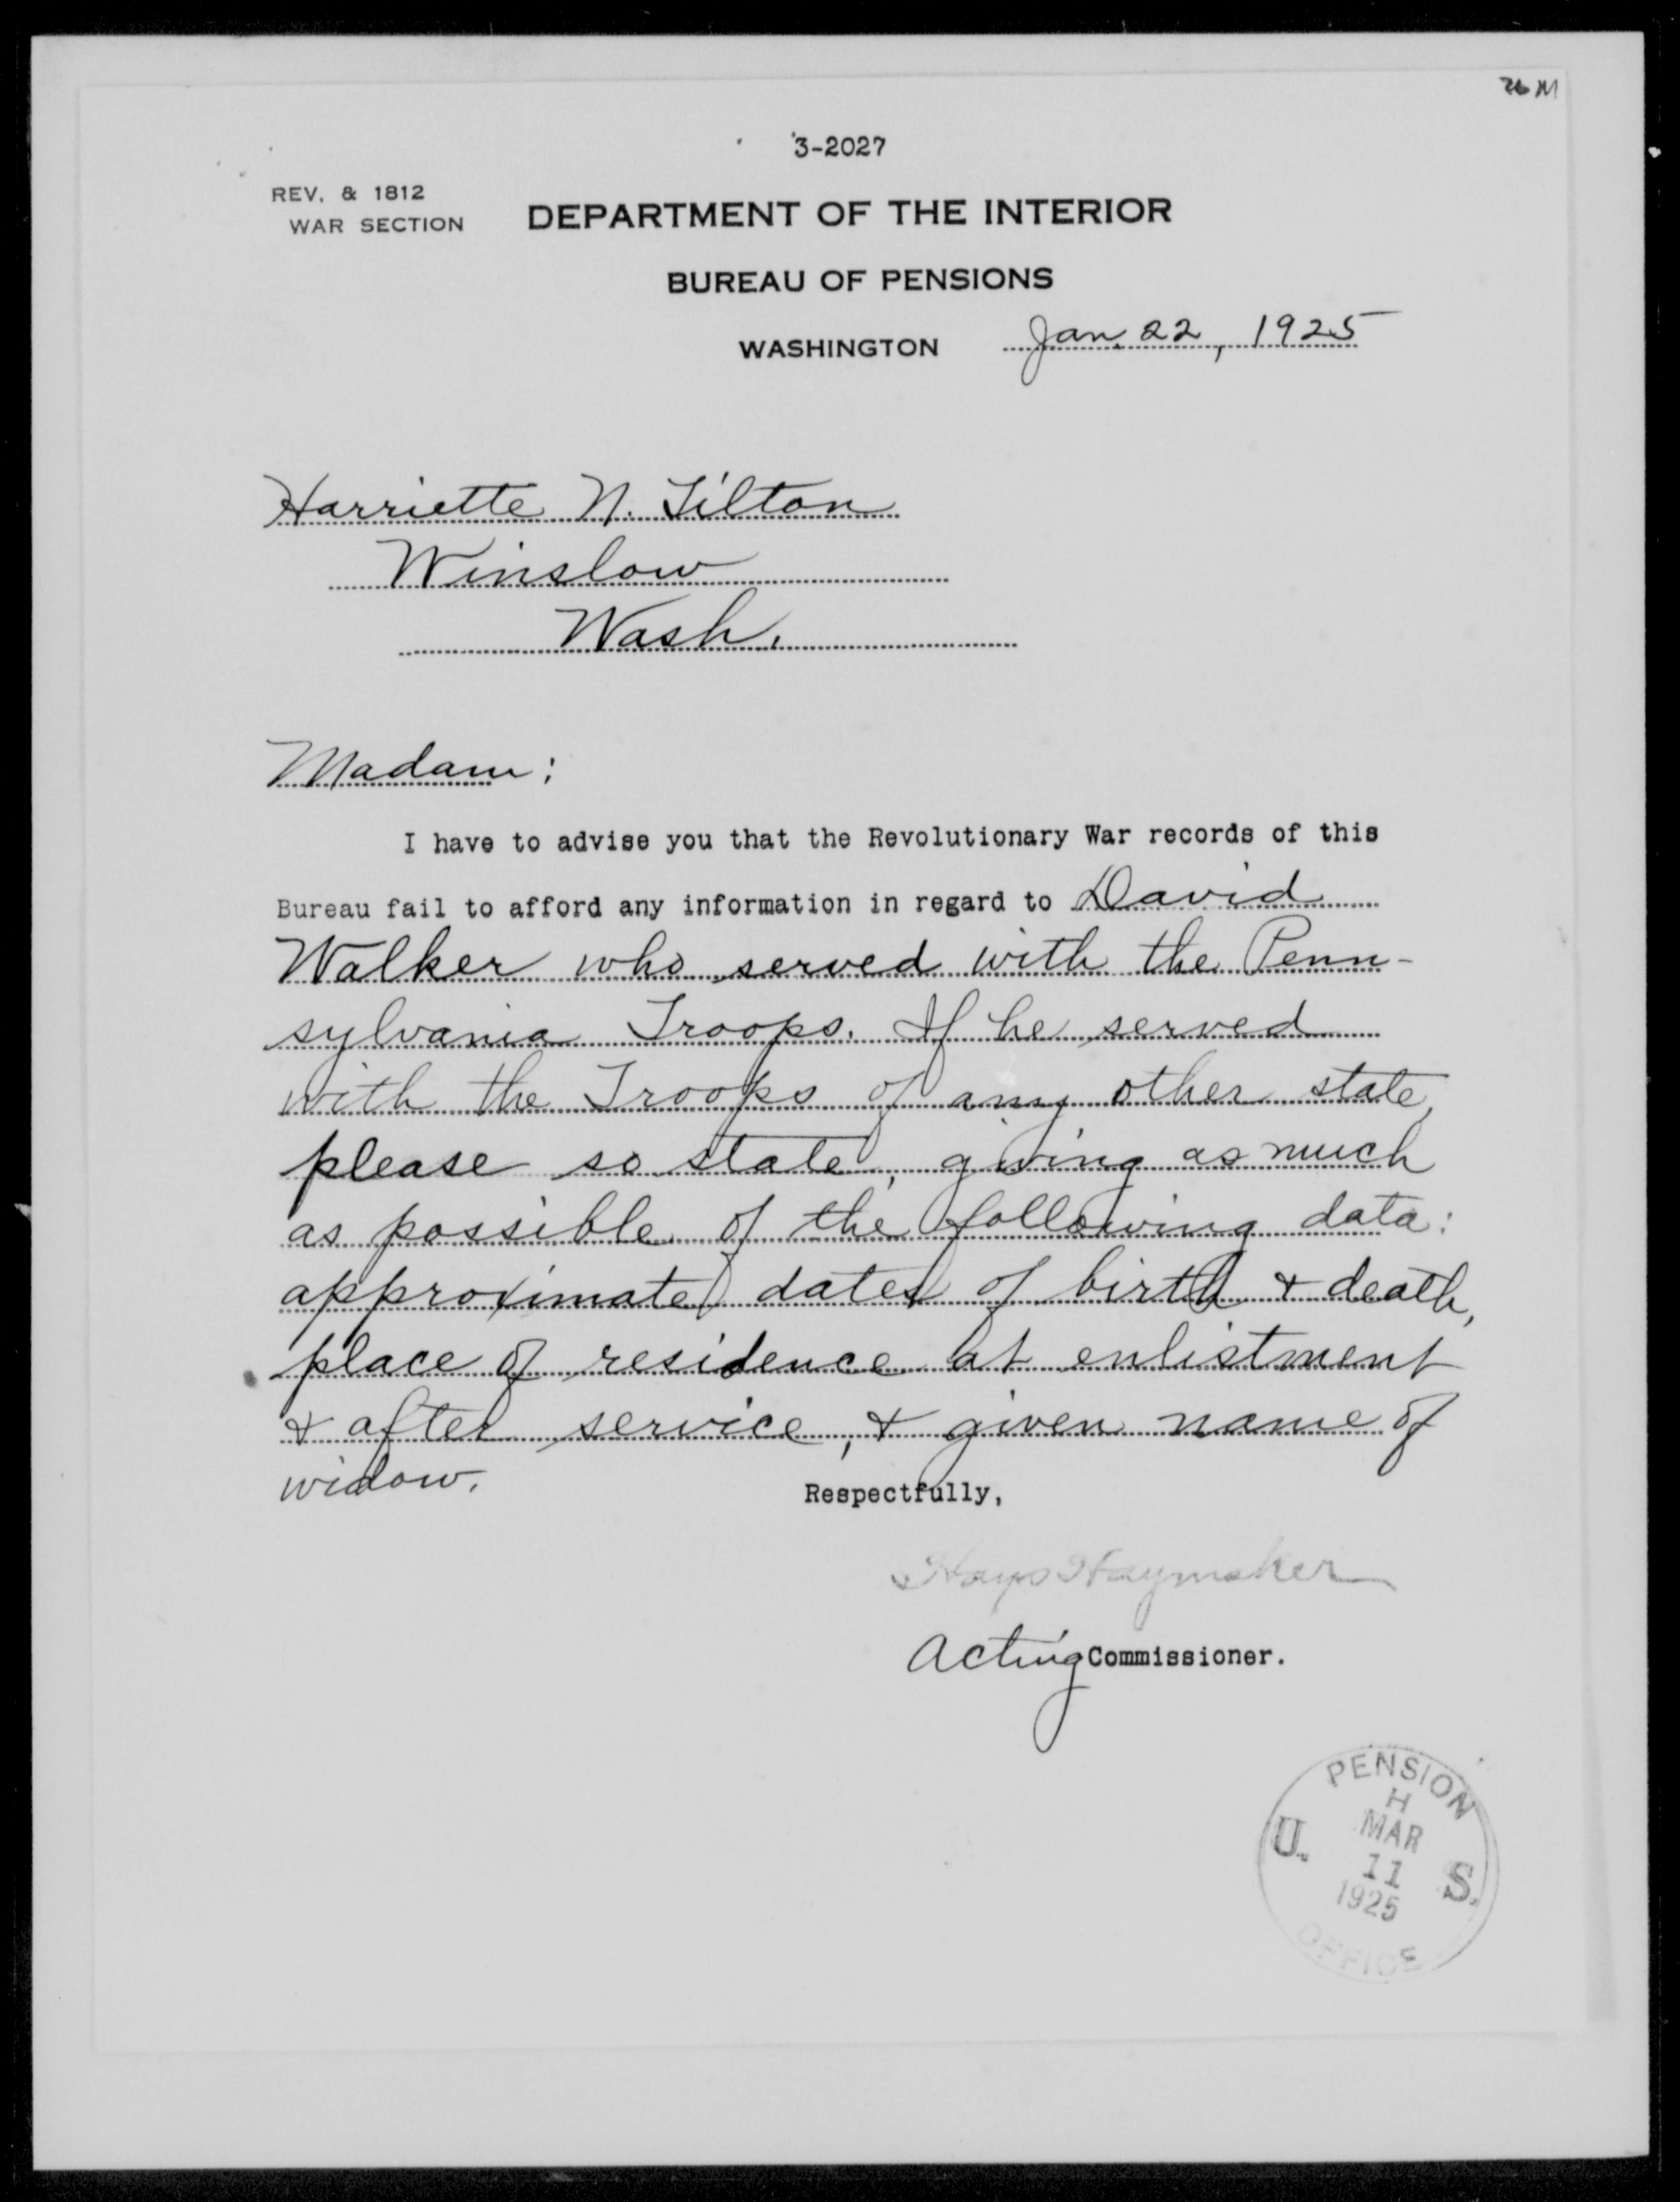REV. & 1812 WAR SECTION
3 - 2027
DEPARTMENT OF THE INTERIOR
BUREAU OF PENSIONS
WASHINGTON
Jan 22, 1925
Hariette N. Tilton
Winslow
Washington
Madam,
I have to advise you that the Revolutionary War records of this Bureau fail to afford any information in regard to David Walker who served with the Pennsylvania Troops. If he served with the Troops of any other state please so state, giving as much as possible of the following date: approximate dates of birth & death, place of residence at enlistment & after service, & given name of widow.
Respectfully,
Hays Haymaker
Acting Commissioner.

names: Hays Haymaker, David Walker, Harriette N Tilton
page: 37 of 37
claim: rejected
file: R. 11047, David Walker, N.C.